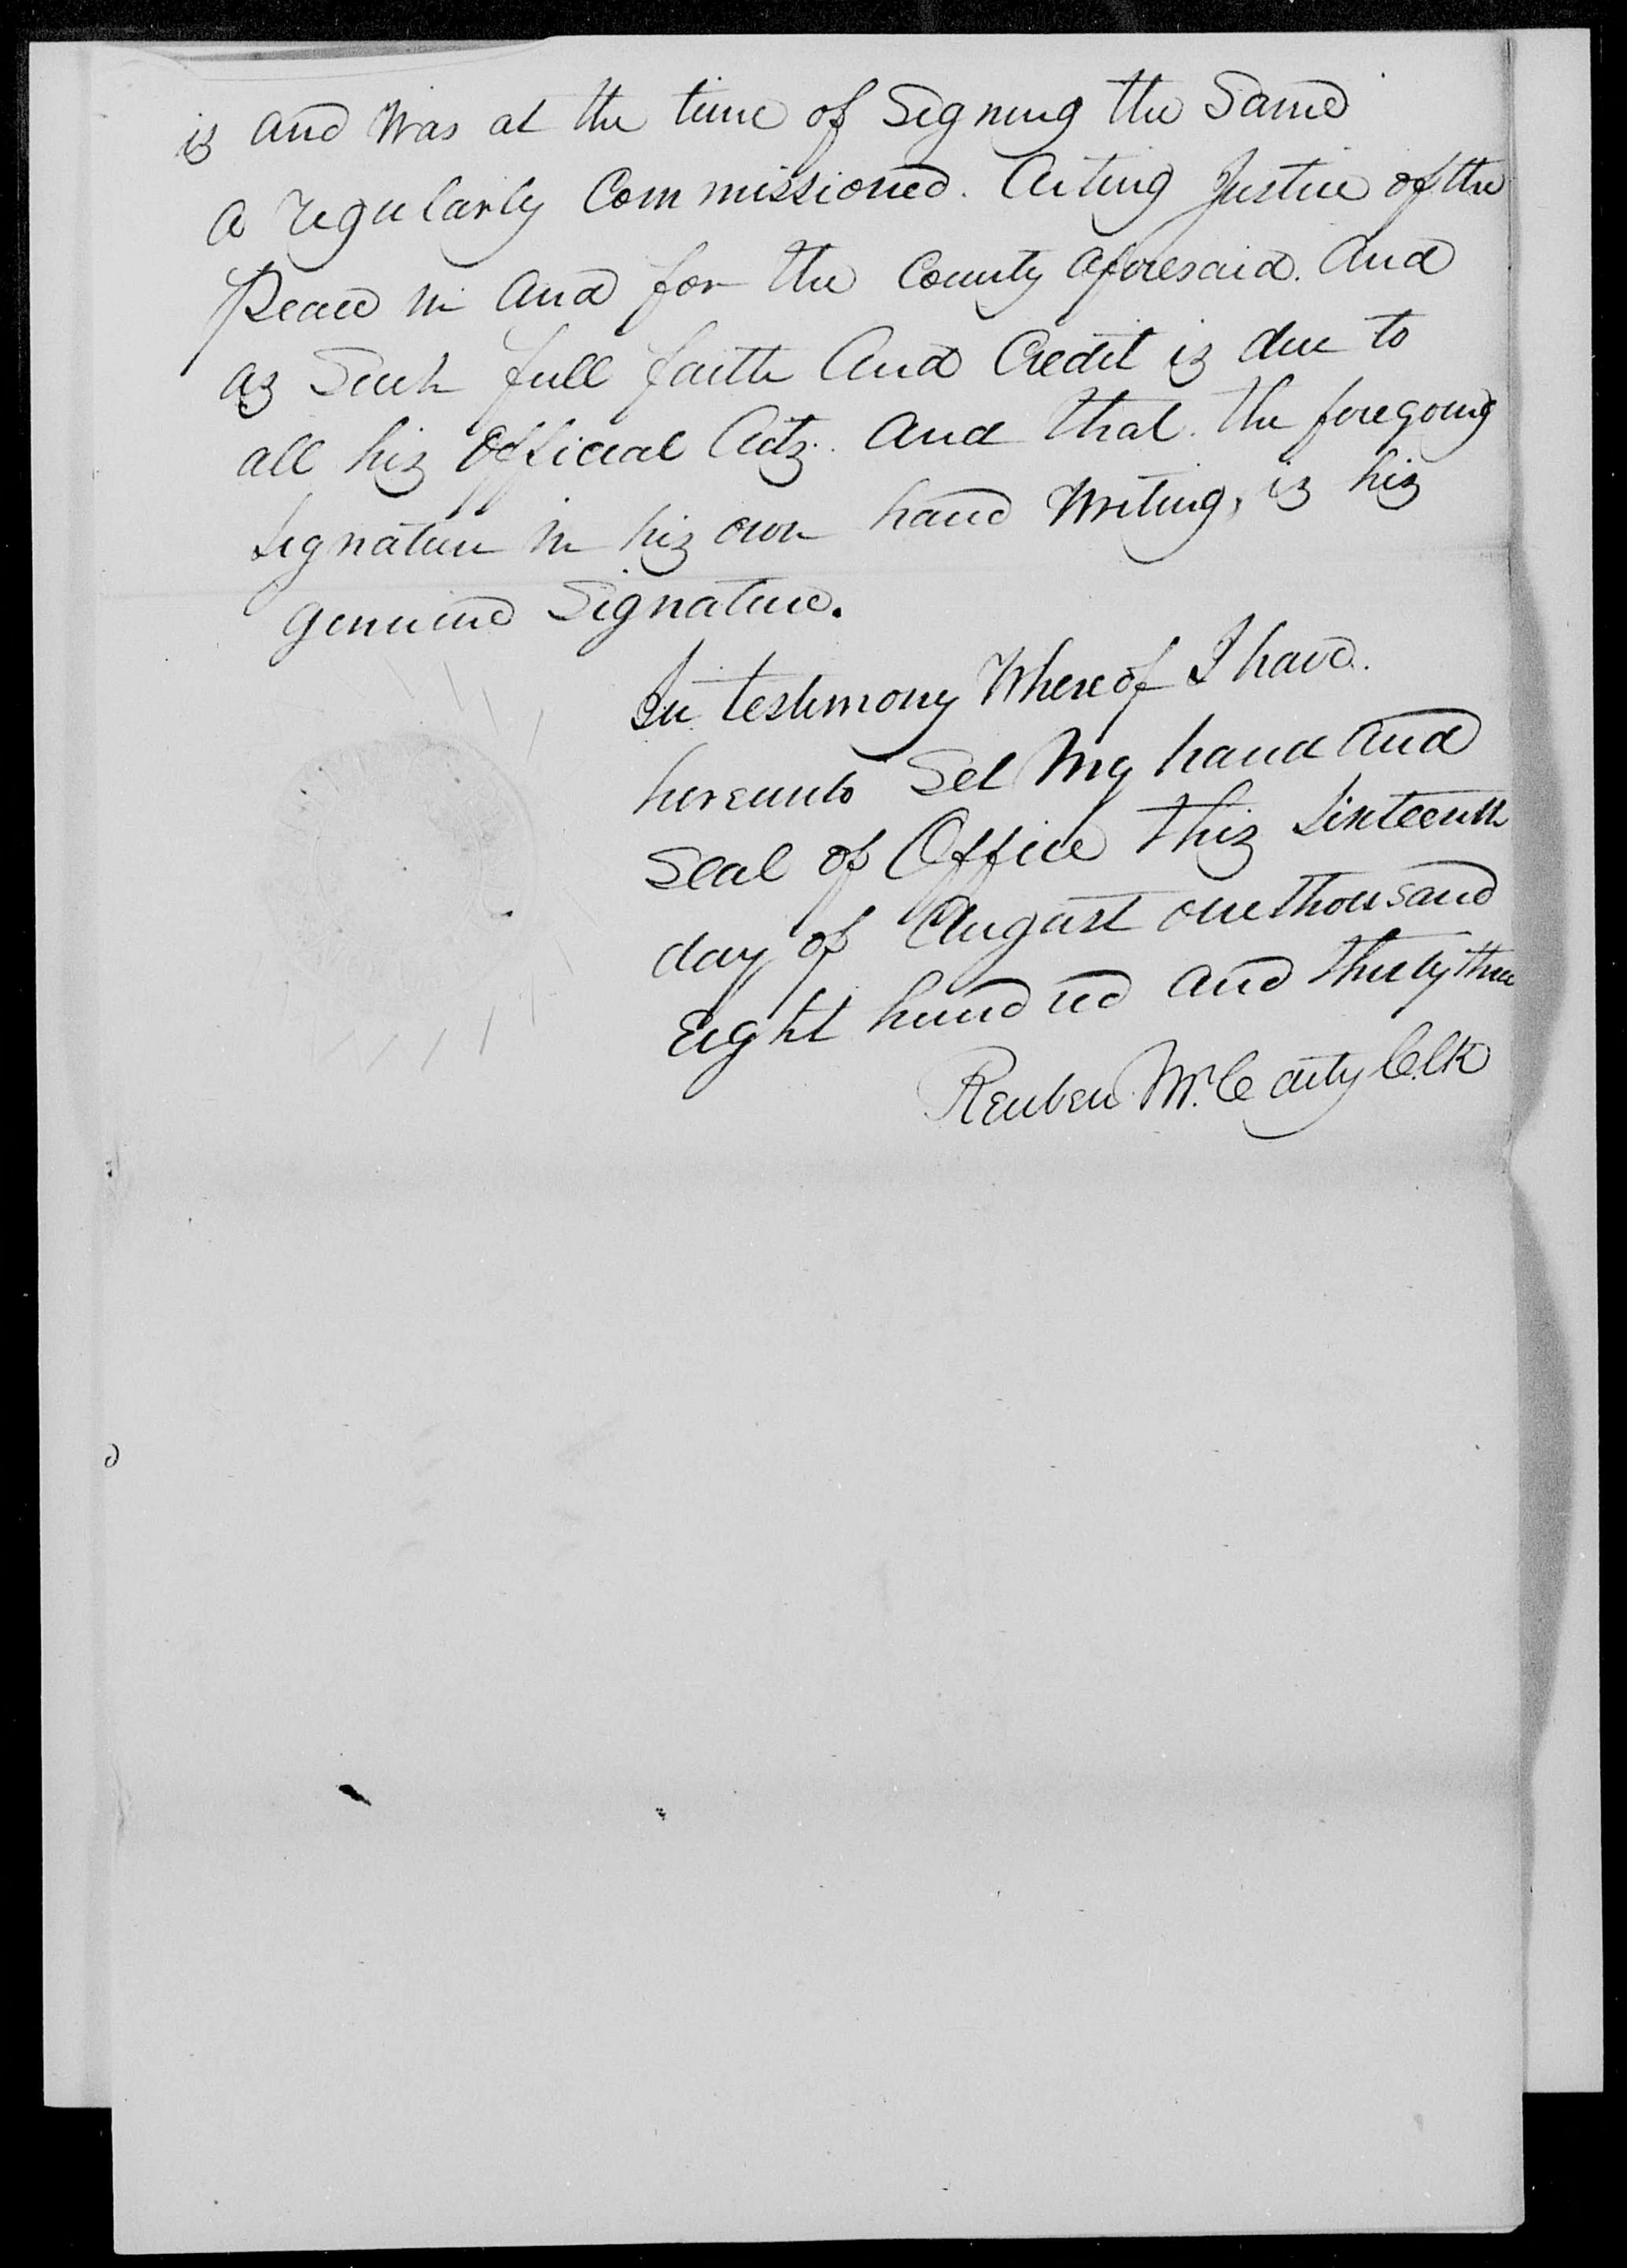is and was at the time of signing the same
a regularly commissioned acting Justice of the
Peace in and for the County aforesaid, and
as such full faith and credit is due to
all his Official Acts. And that the foregoing
Signature in his own hand writing, is his
genuine signature.
In testimony whereof I have
hereunto set my hand and
Seal of Office this Sixteenth
day of August one thousand
Eight hundred and thirty the
Reuben McCarty Clk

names: Reuben Mc Carty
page: 21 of 34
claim: survivor's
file: S. 30608, for Gabrel Mullins, Virginia